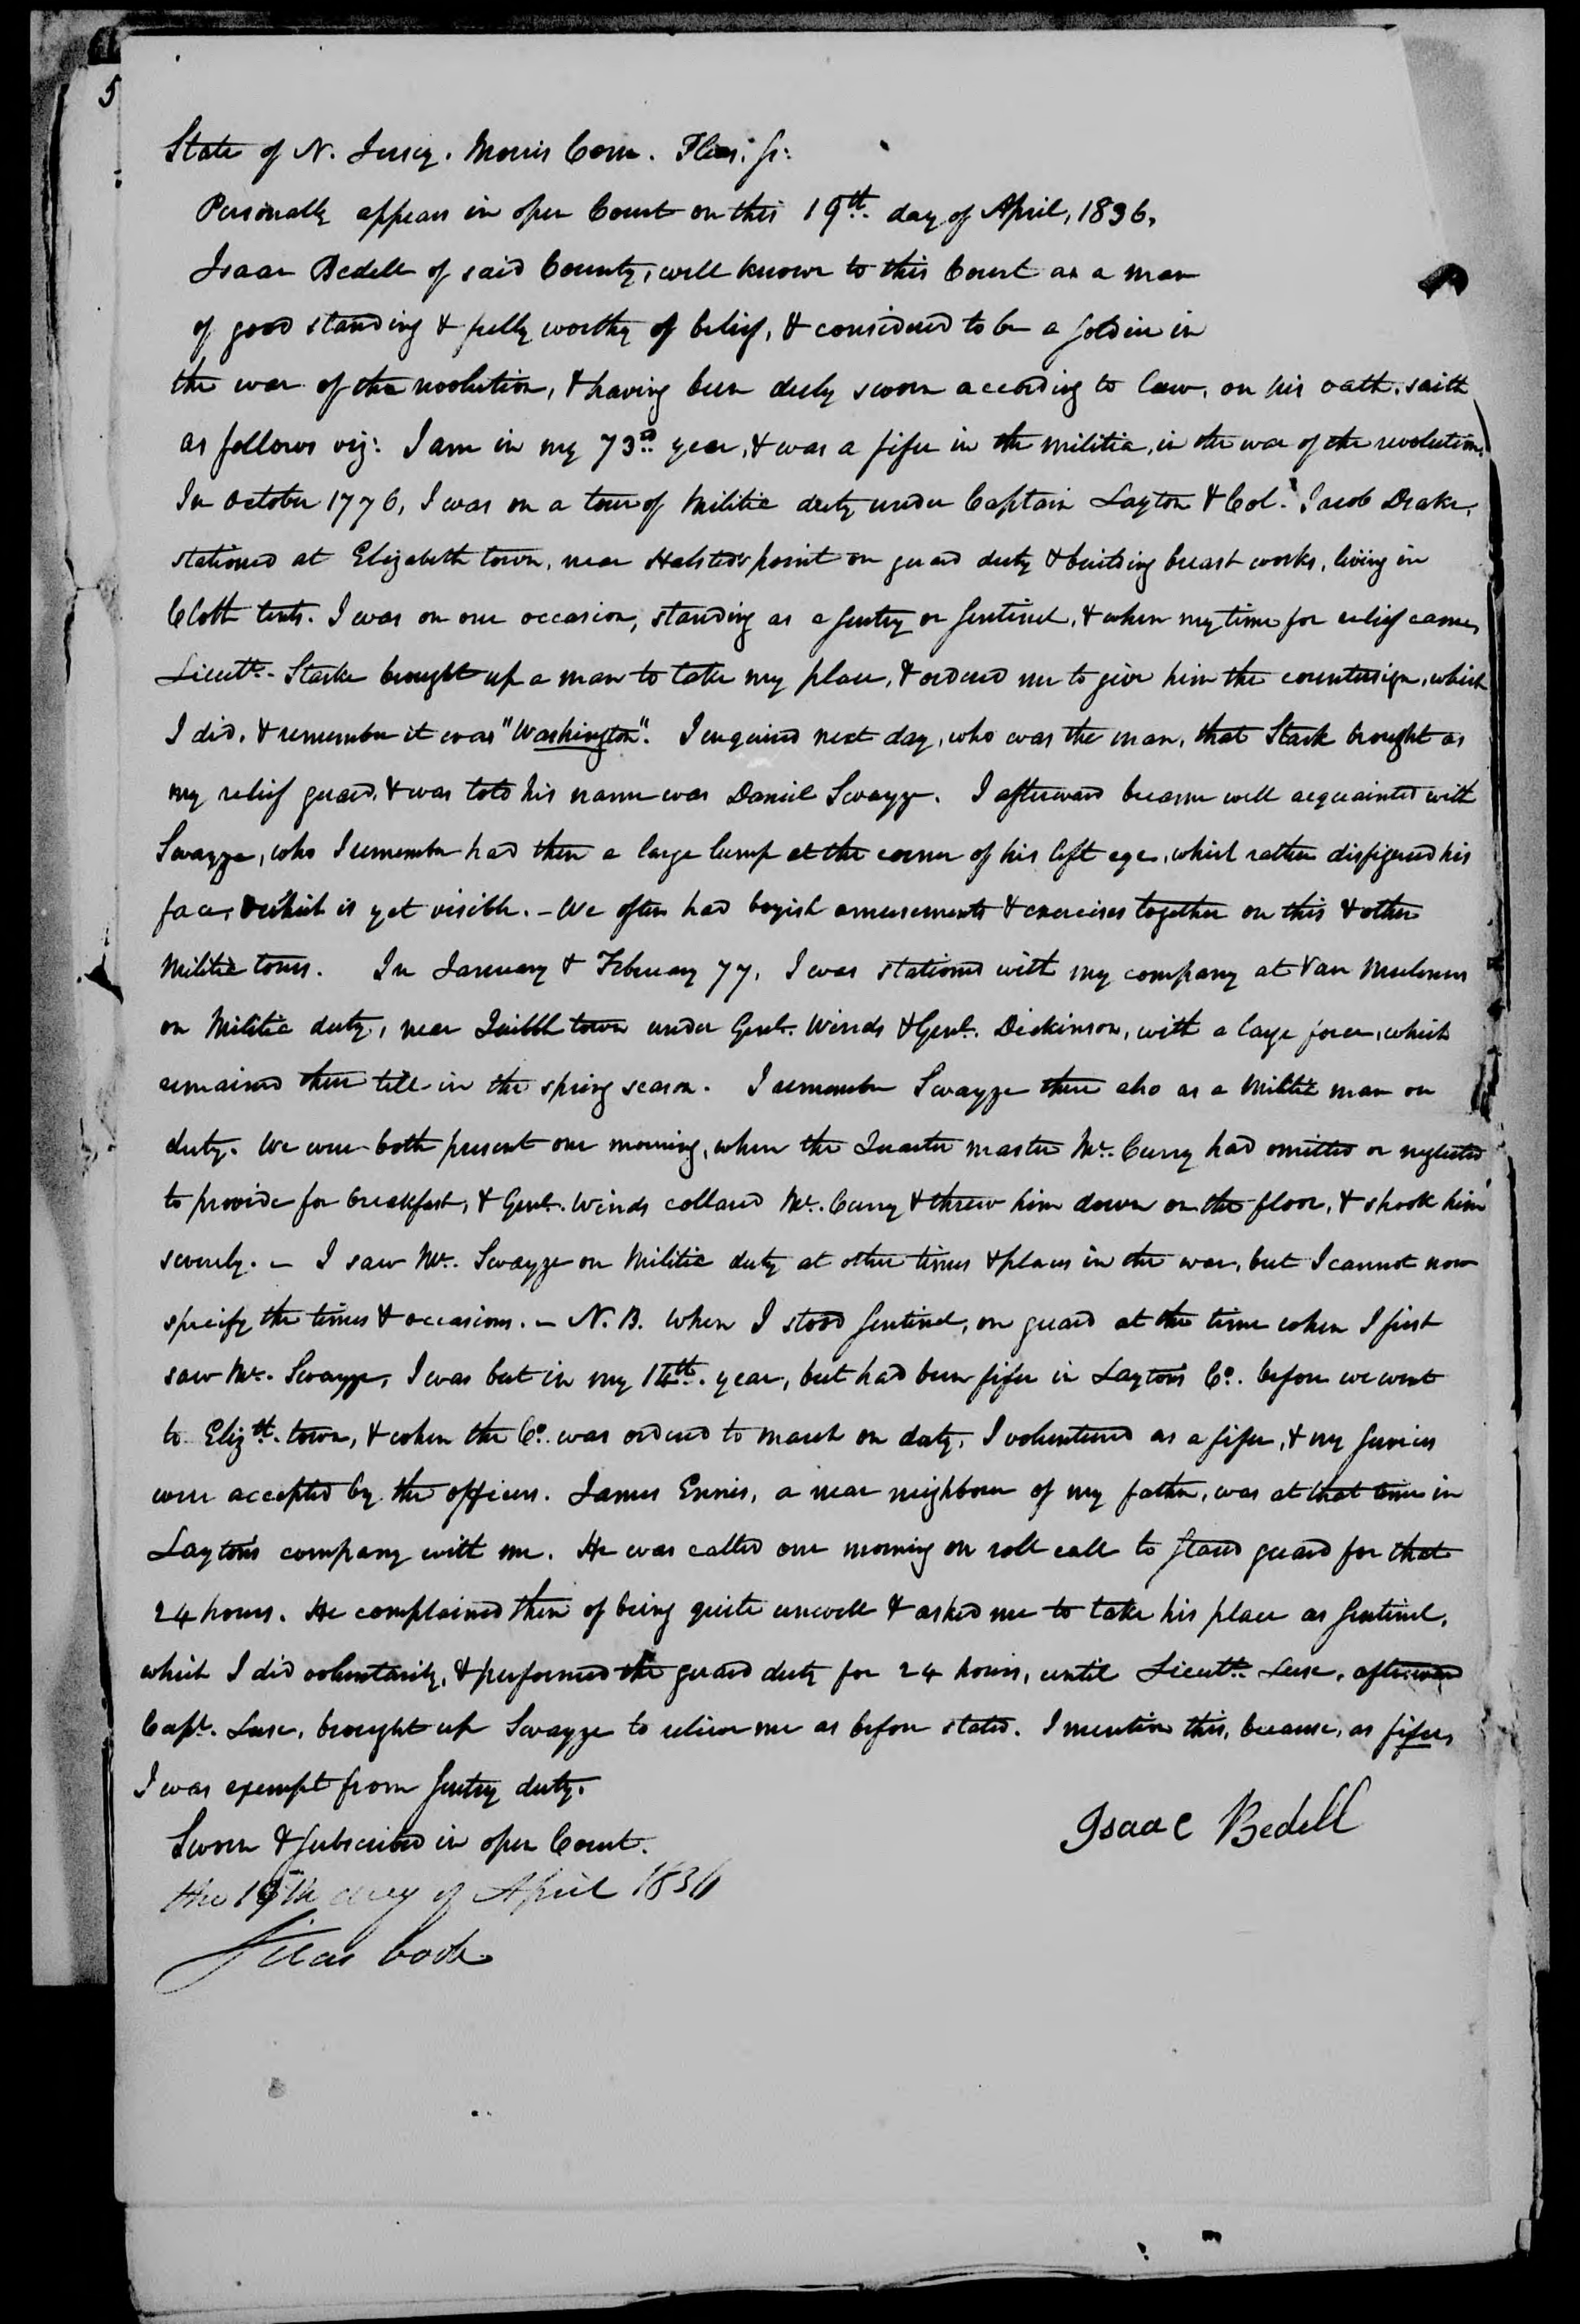State of N. Jersey, Morris County [illegible]
Personally appear in open Court on this 19th day of April, 1836, 
Isaac Bedell of said County, well known to this court as a man of good standing & fully worthy of belief, & considered to be a soldier in the war of the revolution, & having been duly sworn according to law, on his oath, saith as follows [illegibl].  I am in my 73rd year, & I was a fifer in the militia,in the war of the revolution.  In October 1776, I was on a tour of Militia duty under Captain Layton & Col. Jacob Drake, stationed at Elizabethtown, near Halstor Point on guard duty & building breast works, living in Cloth tents.  I was on one occasion, standing as a sentry or sentinel, & when my time for relief came, Lieutt Stake brought up a man to take my place & ordered me to give him the countersign, which I did, & remember it was "Washington".  I inquired next day, who was the man, that Stark brought as my relief guard, & was told his name was Daniel Swayze.  I afterward became well acquainted with Swayze, who I remember had then a large lump at the corner of his left eye.  Which rather disfigured his face, which is yet visible. We often boyish amusements & [illegible] together on this & other militia tours.  In January & February 77, I was stationed with my company at Van [Illegible] on Militia duty, near Smithtown under Genl Winds& Genl Dickinson, with a large force, which remained there till in the spring season.  I remember Swayze there twho as a militia man on duty.  We were both present one morning, when the quarter master Mr. Curry had ommitted or neglected to provide for breakfast, & Genl Windy called Mr. Curry & threw him down on the floor, & shook him severly. I saw Mr. Swayze on Militia duty at other times & places in the war, but I cannot now specify the times & occasions.  N.B. When I stood Sentine on guard at the time when I first saw Mr.Swayze, I was but in my 14th year, but had been fifer in Layton Co. before we went to Elizabethtown, & when the Co. was ordered to march on duty.  I volunteered as a fifer & my services were accepted by the officers.  James Ennis, a near neighbor of my father, was at that time in Layton company with me.  He was called one morning on roll call to stand guard for that 24 hours.  He complained then of being quite unwell & asked me to take his place as sentinel, which I di voluntarily, & performed the guard duty for 24 hours, until Lieut Lees offered Capt Law, brought up Swayze to relieve me as before stated.  I mention this because as fifer I was exempt from justry duty.  

Sworn and Subscribed in open Court. 
Isaac Bedell
the 19th day of Aprill 1836
Silas Book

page: 11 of 20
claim: survivor's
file: S. 4911, for Daniel Swayze, New Jersey